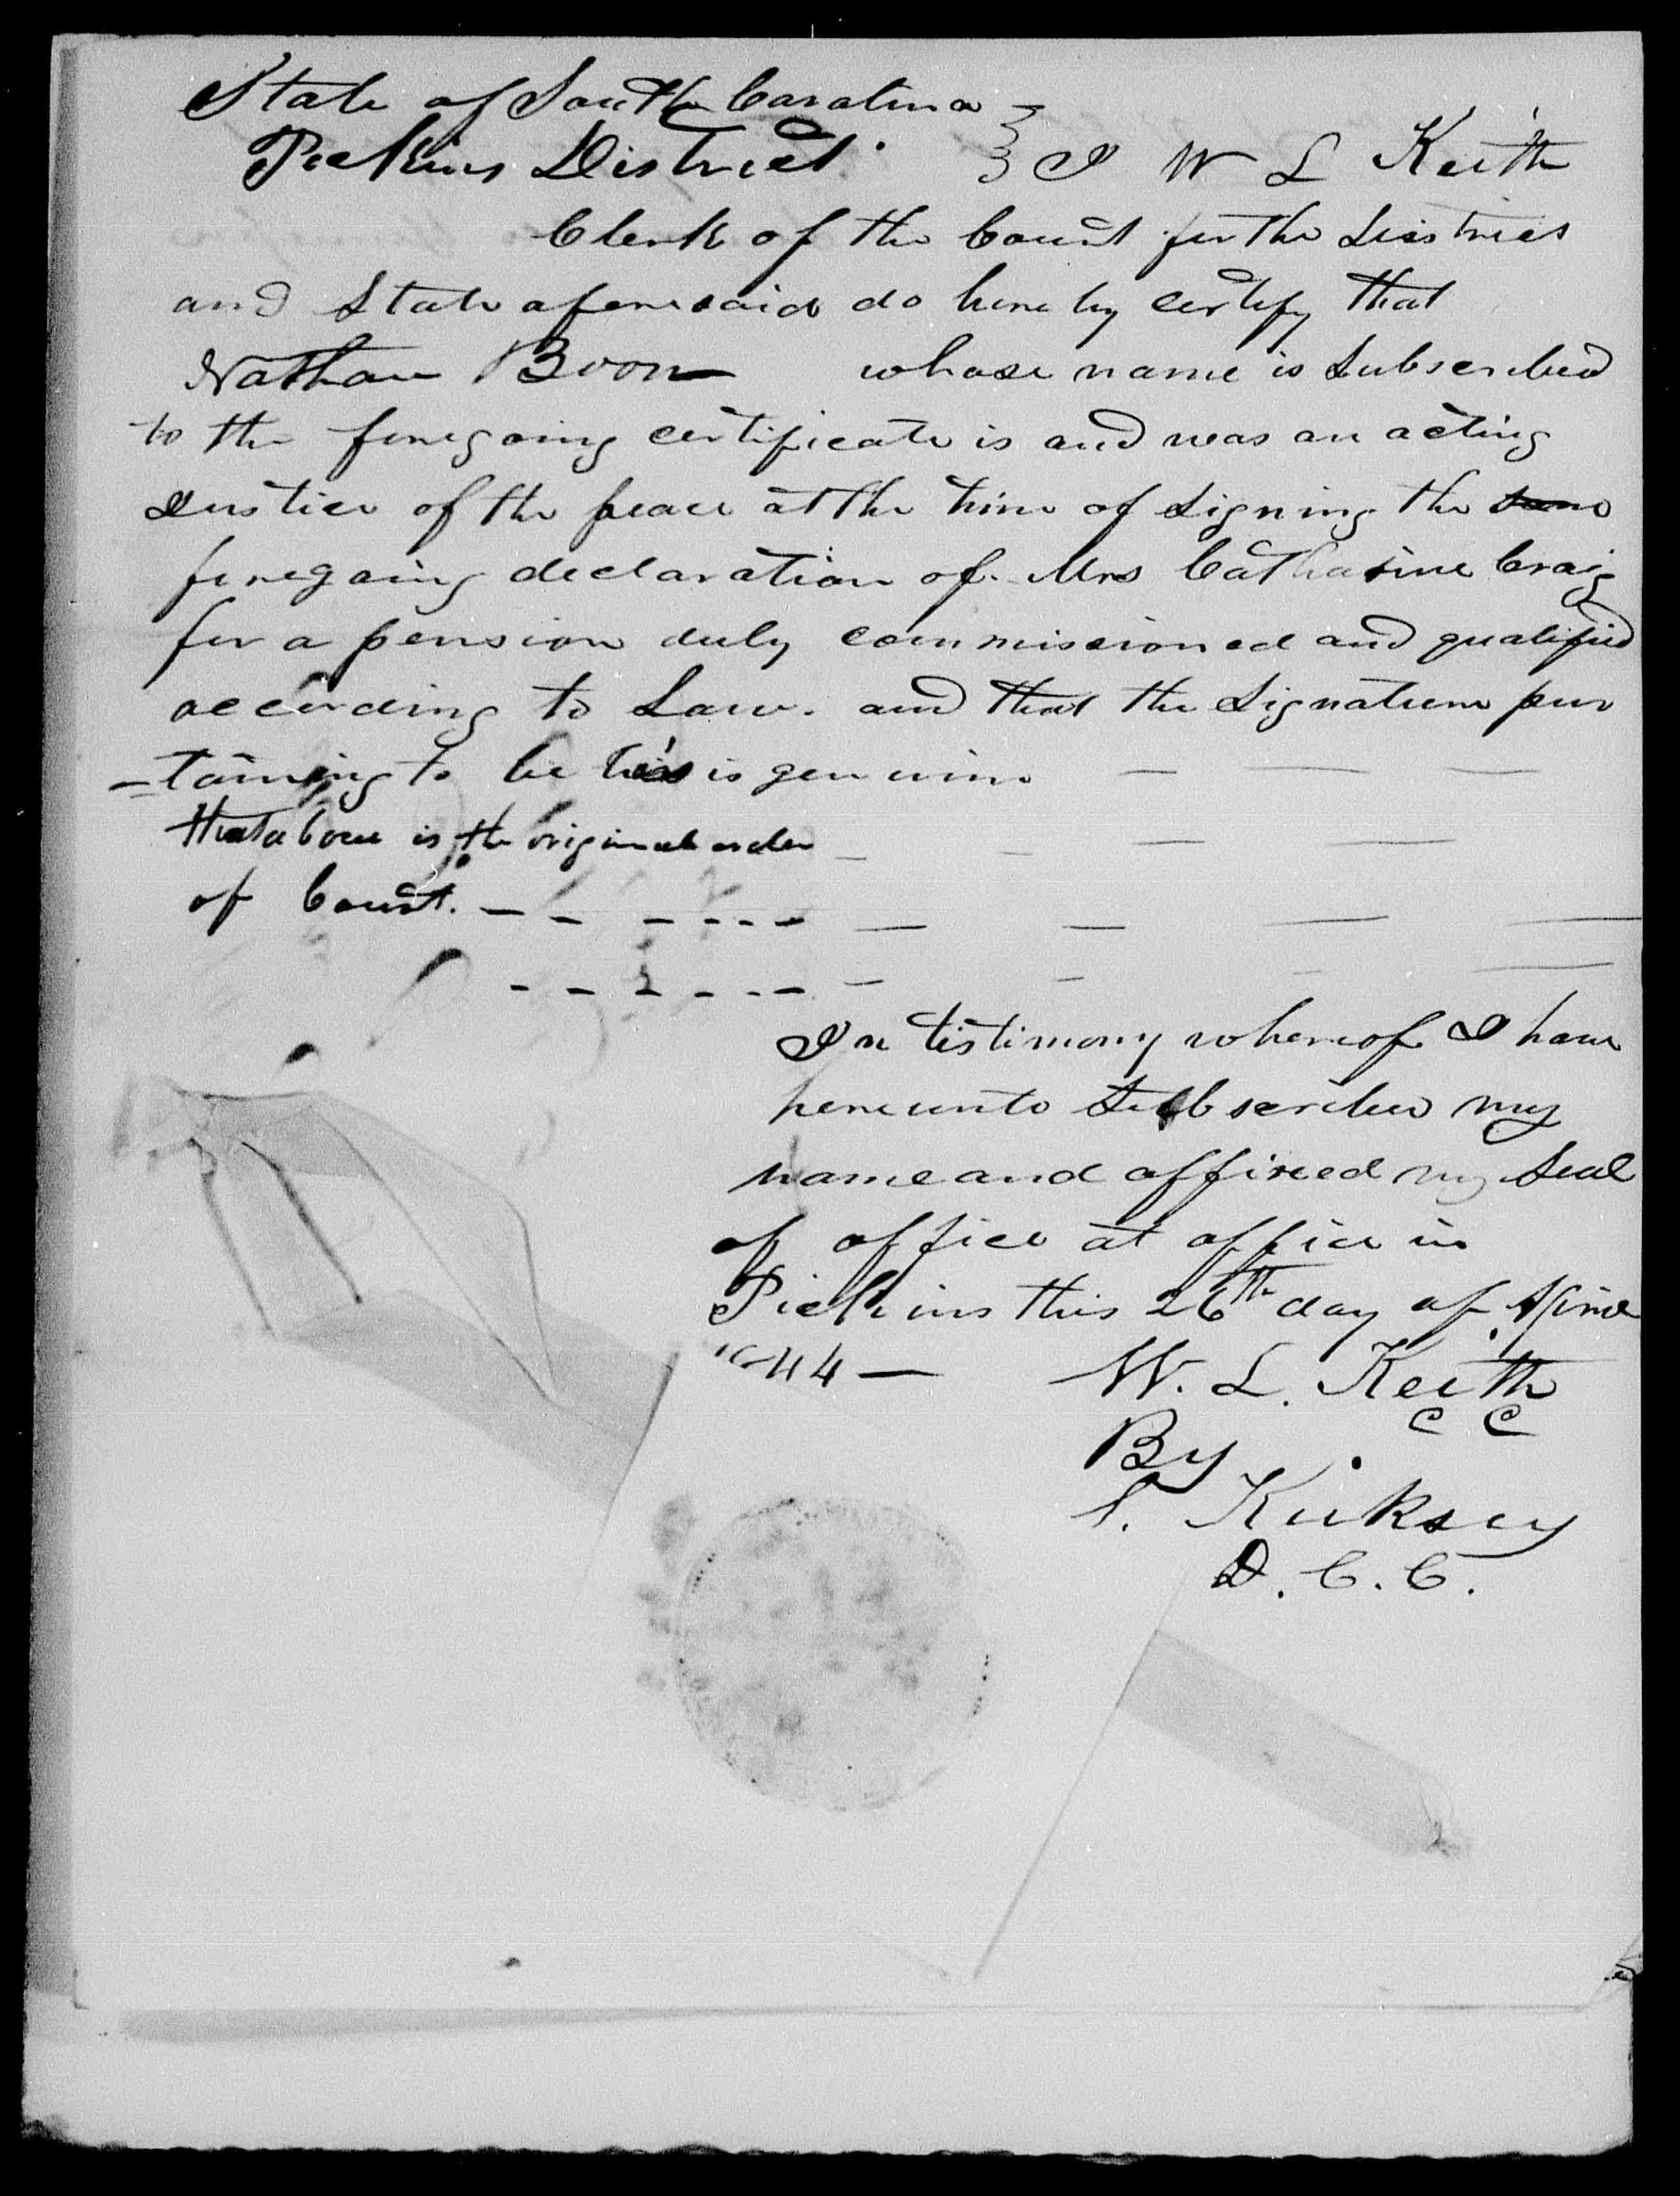State of South Caralina
Pickins District

Clerk of the Court for the district and State aforesaid do hereby certify that Nathan Boon whose name is Subscribed to the foregoing certificate is and was an acting Justice of the peace at the time of Signing the foregoing declaration of Mrs. Catharine Craig for a pension duly commissioned and qualified according to Law, and that the Signature purtaining to be hers is genuine. -
That a Corse is the original order -
of Court ----

In tistimony whereof I have hereunto Subscribed my name and affixed my Seal of office at office in Pickins this 26th day of April 1844
W. L. Keith   cc
By S. Kirksey  D.C.C.

[illegible seal]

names: W L Keith, S Kicksey, W L Keith, Nathan Boon, Catharine Craig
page: 11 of 55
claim: widow's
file: W. 22864, John Craig, S.C. Born In Iceland